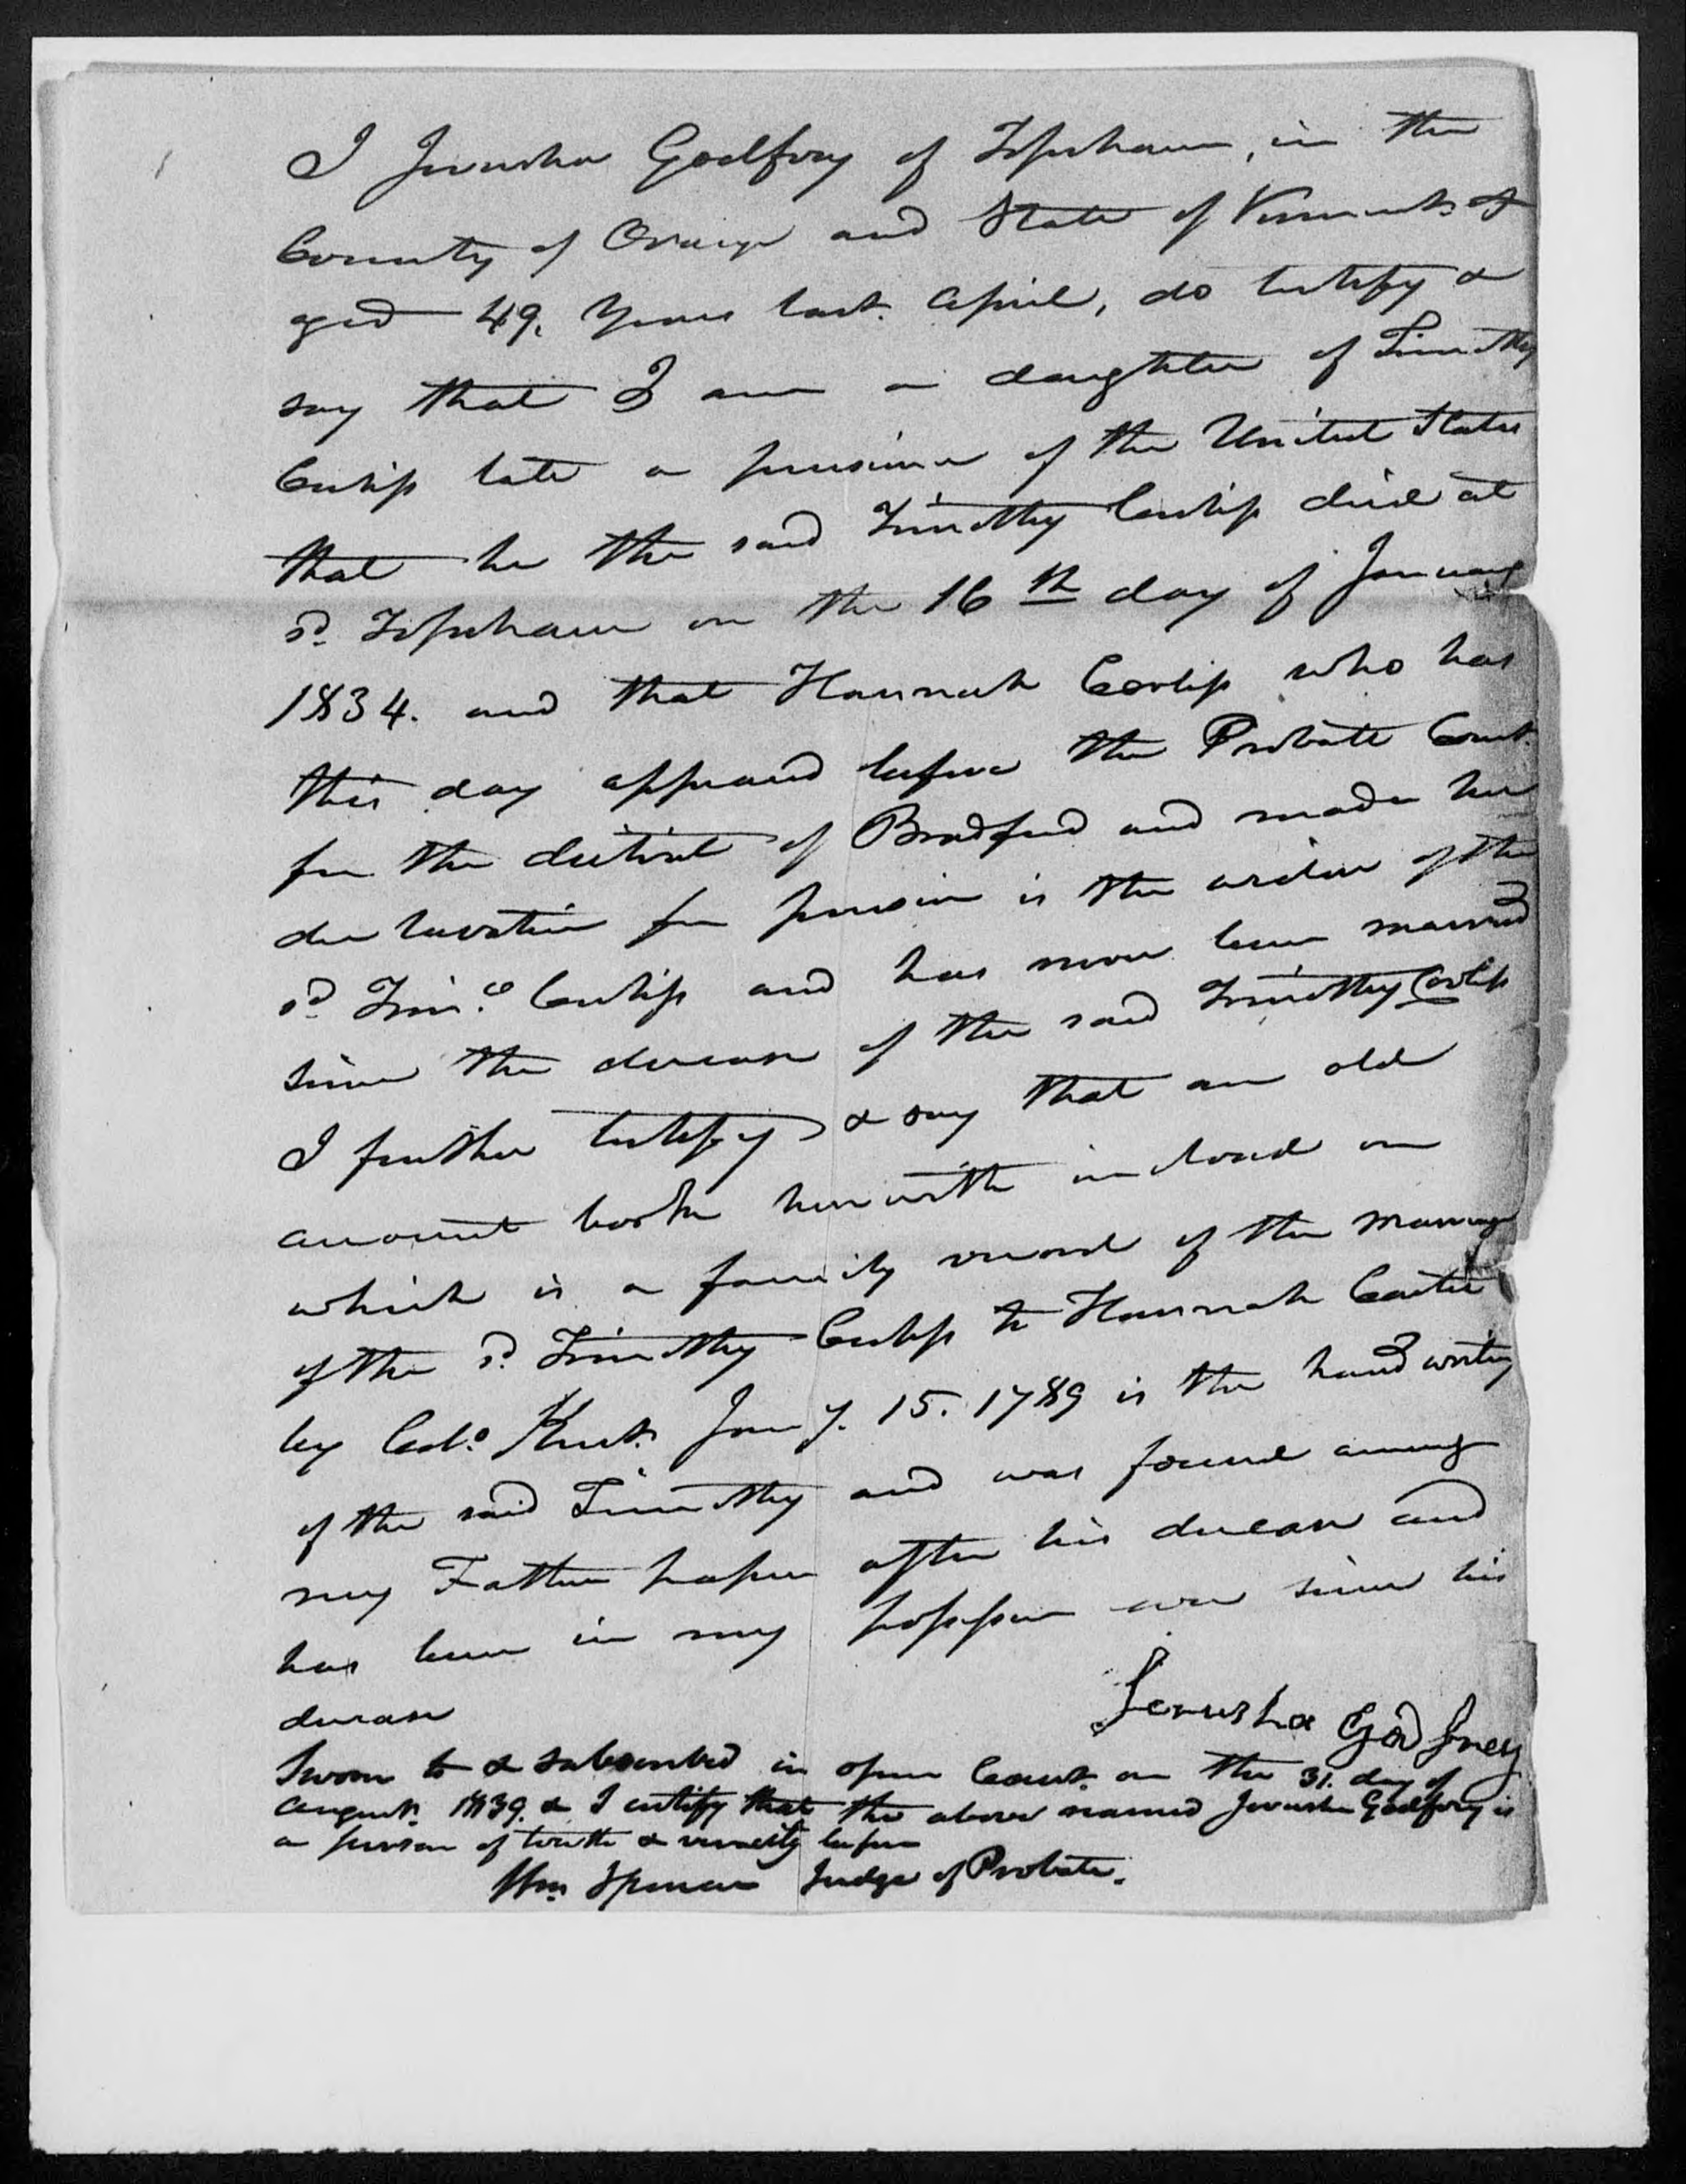I Jerusha Godfrey of Topsham in the
County of Orange and State of Vermont
aged 49 years last April, do certify and
say that I am daughter of Timothy
Corliss late a pensioner of the United States
that he the said Timothy Certify died at
Topsham on the 16th day of January
1834 and that Hannah Corliss who has
this day appeared before
the Probate Court
for the district of Bradford and made her declaration for 
pension is the widow of the said Timothy Corliss and has never
been married since the decease of the said Timothy Corliss.
I further testify and say that an
old account book herewith inclosed
which is a family record of the manrriage
of the said Timothy Corliss
to Hannah Carter
by [illegible] Kent January 15, 1789 is the
hand writing of the said Timothy and was found among
my Fathers papers after his decease and has been
in my possession ever since his decease.
Jerusha Godfrey
Sworn to and subscribed in open Court on the 31 day of 
August 1839. I certify that the above named Jerusha Godfrey is a person of truth and veracity. before me
William Spencer Judge of Probate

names: Timothy Corliss, Jerusha Godfrey, Jerusha Godfrey, Timothy Corliss, Timothy Corliss, Timothy Corliss, Hannah Corliss, Timothy, Wm Spencer, Jerusha Godfrey, Timo Corliss, Hannah Cartis, Kent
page: 32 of 34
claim: widow's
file: W. 20,896, Timothy Corless, Continental Mass